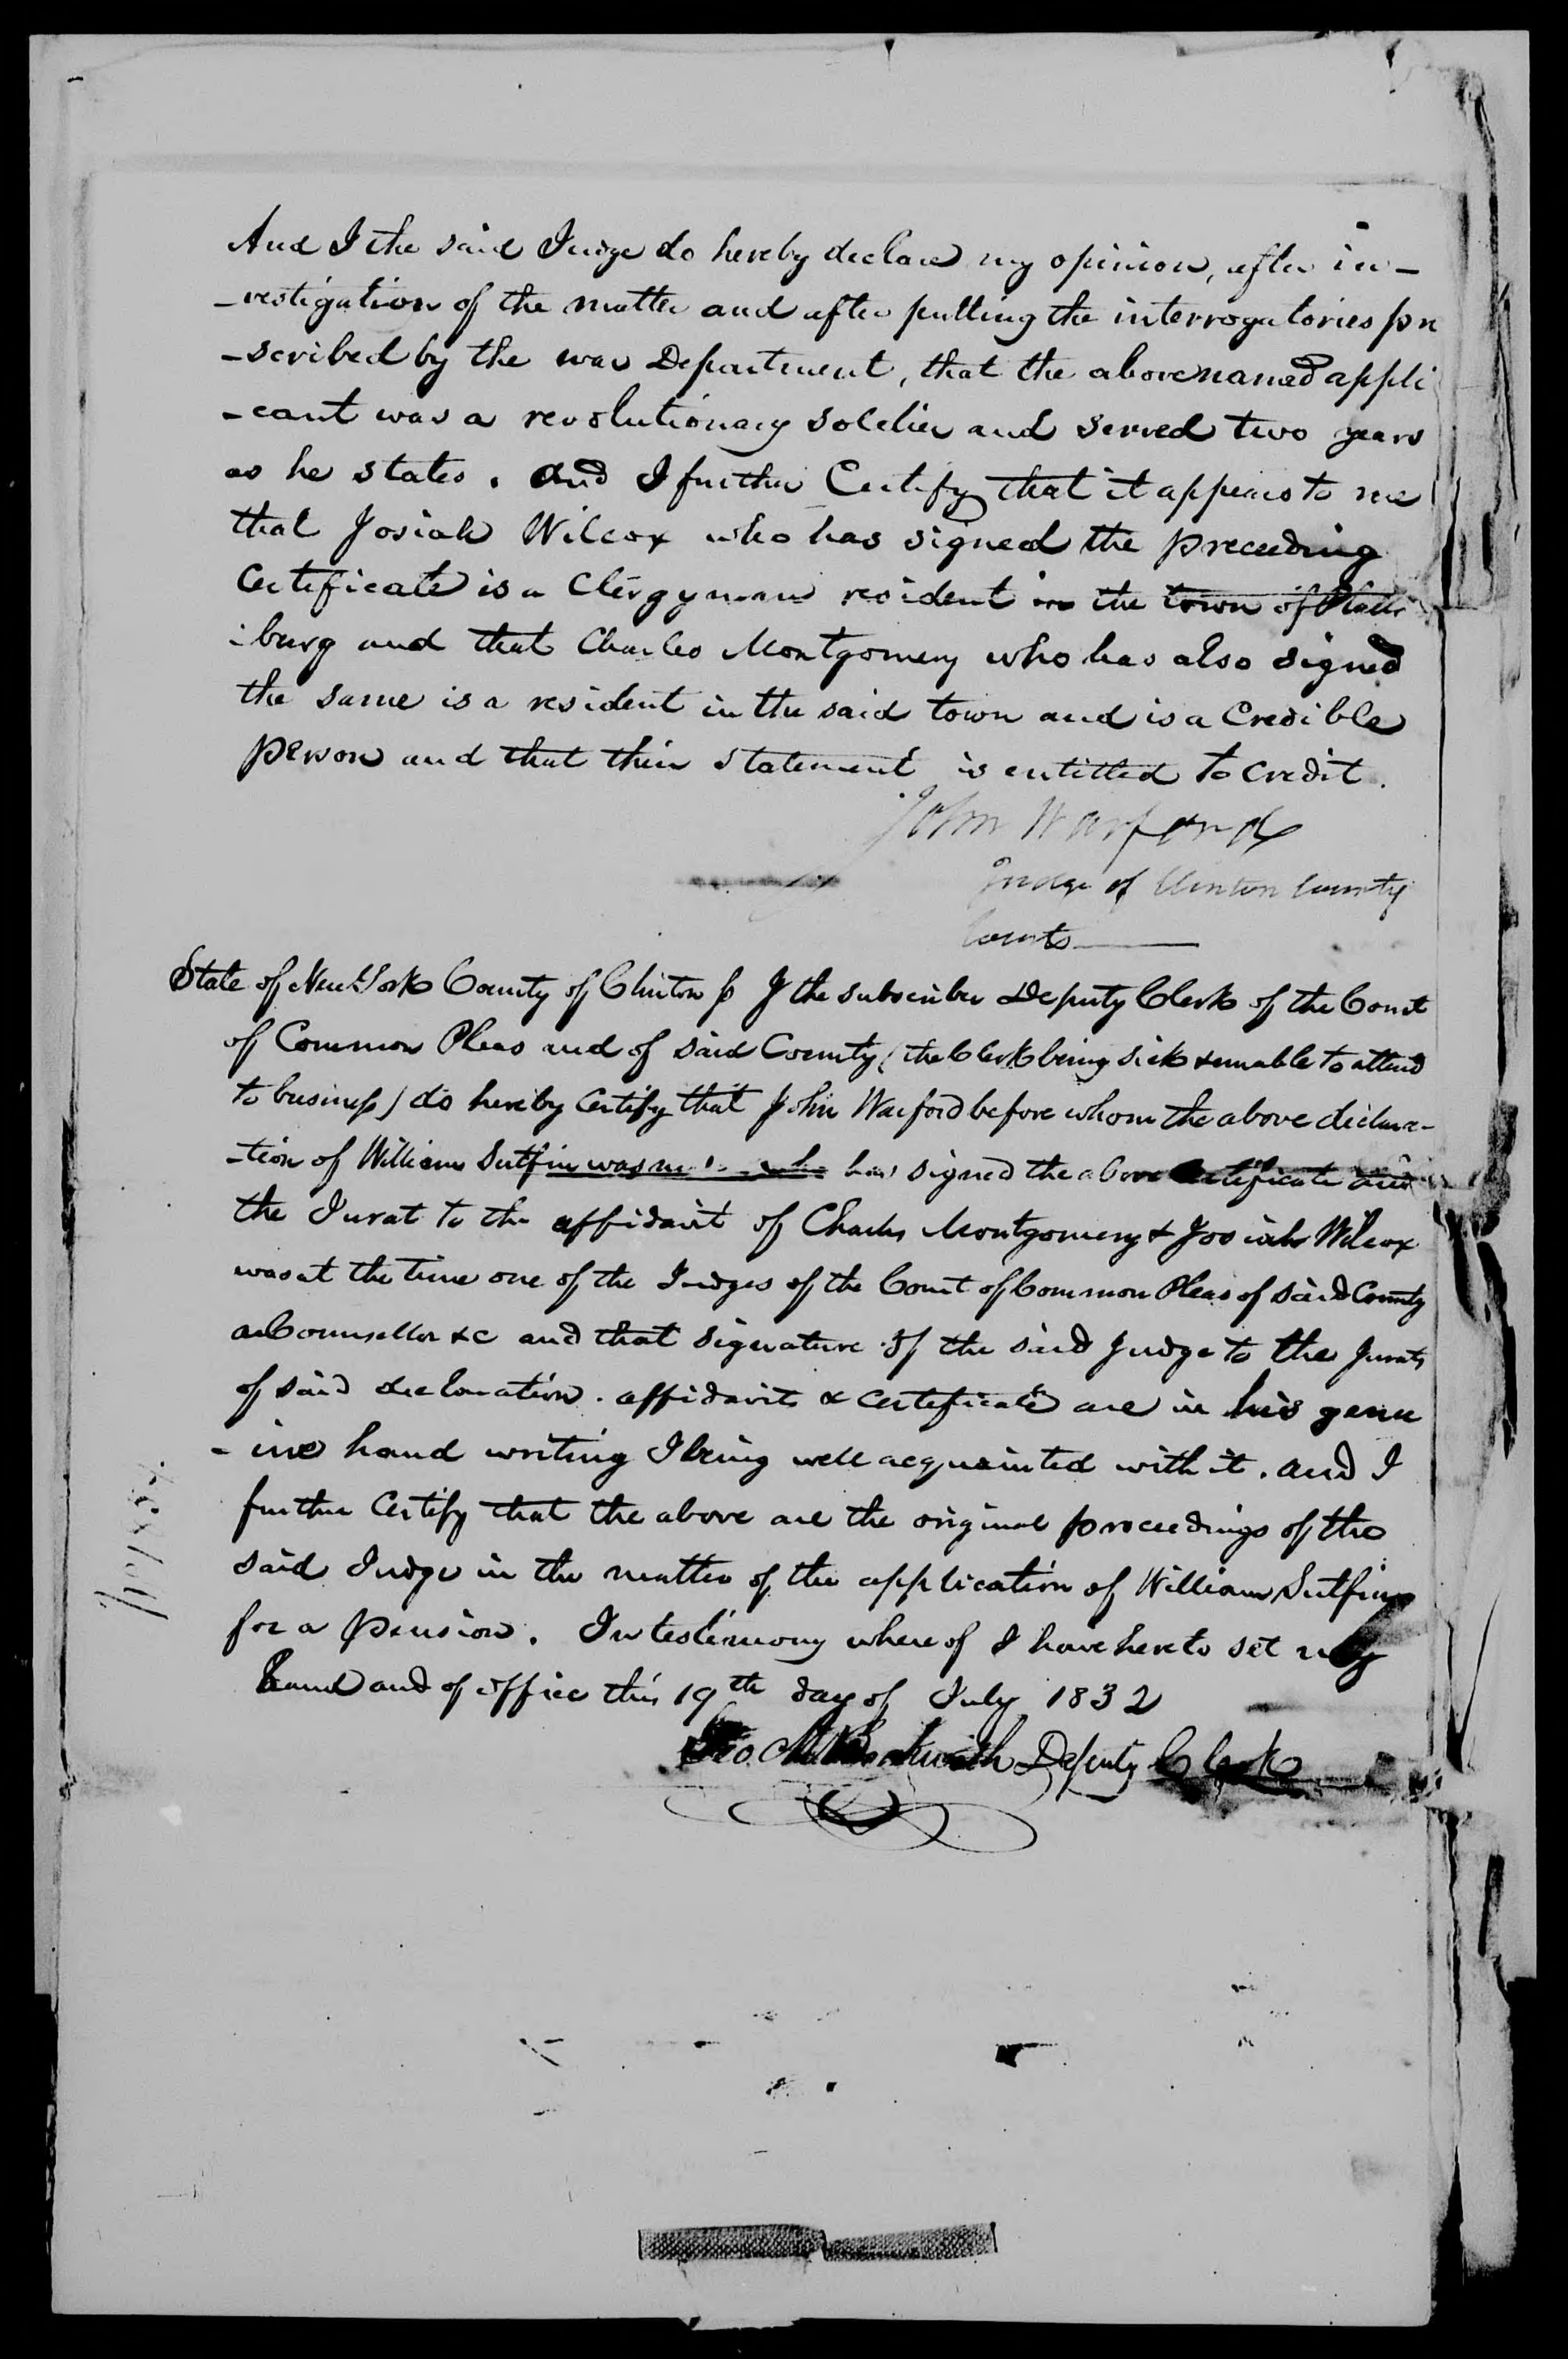And I, the said Judge, do hereby declare my opinion, after investigation of the matter and after putting the interrogatories prescribed by the War Department, that the above named applicant was a Revolutionary Soldier and served two years as he states. And I further certify that it appears to me that
Josiah Wilcox, who has signed the preceding certificate is a clergyman resident in the town of Plattsburgh and that Charles Montgomery who has also signed
the same, is a resident in the said town and is a credible person and that their statement is entitled to credit.
s/ John Warford, Judge of Clinton County Courts

State of New York
County of Clinton//

I, the subscriber, Deputy Clerk of the Court of Common Pleas and of said County (the Clerk being sick & unable to attend to business) do hereby certify that John Warford before whom the above declaration of William Sutfin was made & who has signed the above certificate and the Jurat to the affidavit of Charles Montgomery & Josiah Wilcox was at the time one of the Judges of the Court of Common Pleas of said County a counsellor &c. and that signature of the said Judge to the Jurats of said declaration, affidavit & certificate are in his genuine handwriting, I being well acquainted with it.

And I further certify that the above are the original proceedings of the said Judge in the matter of the application of William Sutfin for a pension. In testimony whereof I have hereto set my hand and Seal of Office this 19th day of July 1832.
s/ Geo. M. Beckworth, Deputy Clerk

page: 10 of 11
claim: survivor's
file: S. 14628, for William Sutfin, New Jersey